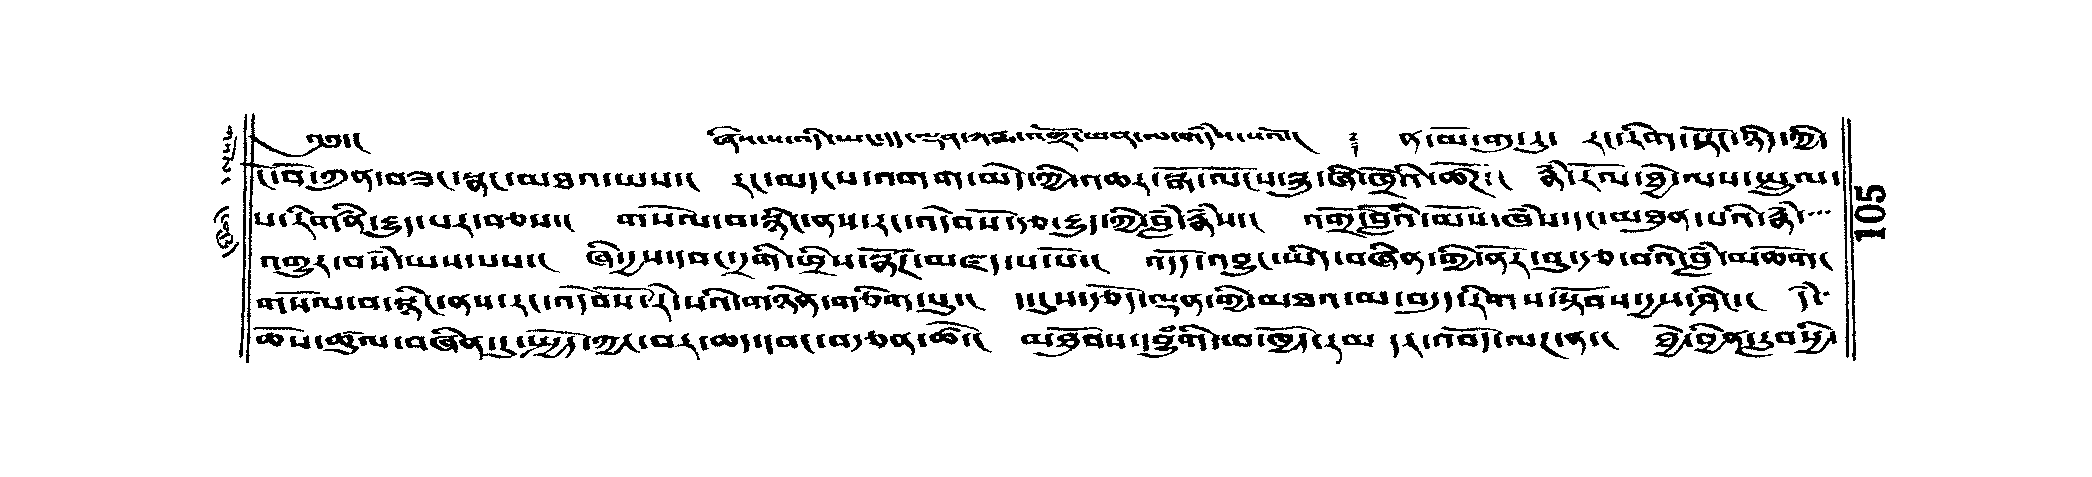ཞེས་པ་འདི་ཡང་དད་ལྡན་ཀརྨ་འགྲོ་ཕན་ལ་གདམས་པའོ།། ༈ ན་མོ་གུ་རུ། རང་རིག་སྟོང་ཉིད་ཀྱི་
ངོ་བོ་ཀུན་བཟང་སྣང་མཐའ་ཡས། །རང་མདངས་འགག་མེད་ཀྱི་འཆར་སྒོ་ལོངས་སྐུ་ཞི་ཁྲོའི་ཚོགས། །རྣམ་རོལ་ཐུགས་རྗེ་ལས་སྤྲུལ་
པ་རིག་འཛིན་རྒྱུད་པར་བཅས། །གསོལ་བ་སྙིང་ནས་རང་འདེབས་སོ་རྩ་རྒྱུད་ཀྱི་བླ་མ་རྣམས། །འགྲོ་བློའི་མོས་ཁམས་དང་མཐུན་པའི་རྣམ་
འགྱུར་བསམ་ཡས་པས། །ཞི་རྒྱས་དབང་དྲག་གི་ཕྲིན་ལས་སྣ་ཚོགས་མཛད་པ་པོ། །འདོད་འབྱུང་ཡིད་བཞིན་གྱི་ནོར་བུ་རྩ་བའི་བླ་མ་མཆོག །
གསོལ་བ་སྙིང་ནས་རང་འདེབས་སོ་རེ་སའི་གཉེན་གཅིག་པུ། །ད་དུས་རྩོད་ལྡན་གྱི་མཐའ་མ་བདུད་རིགས་སྟོབས་རྒྱས་ཤིང་། །དམ་
ཆོས་ཚུལ་བཞིན་དུ་སྤྱོད་ཀྱང་བར་ཆད་དབང་བཙན་ཚོ། །མཐུ་སྟོབས་དབང་ཕྱུག་གི་ཕ་ཁྱོད་ར་མ་དར་འབོད་ལགས་ན། །ཐུགས་རྗེ་བྱིན་རླབས་ཀྱི་